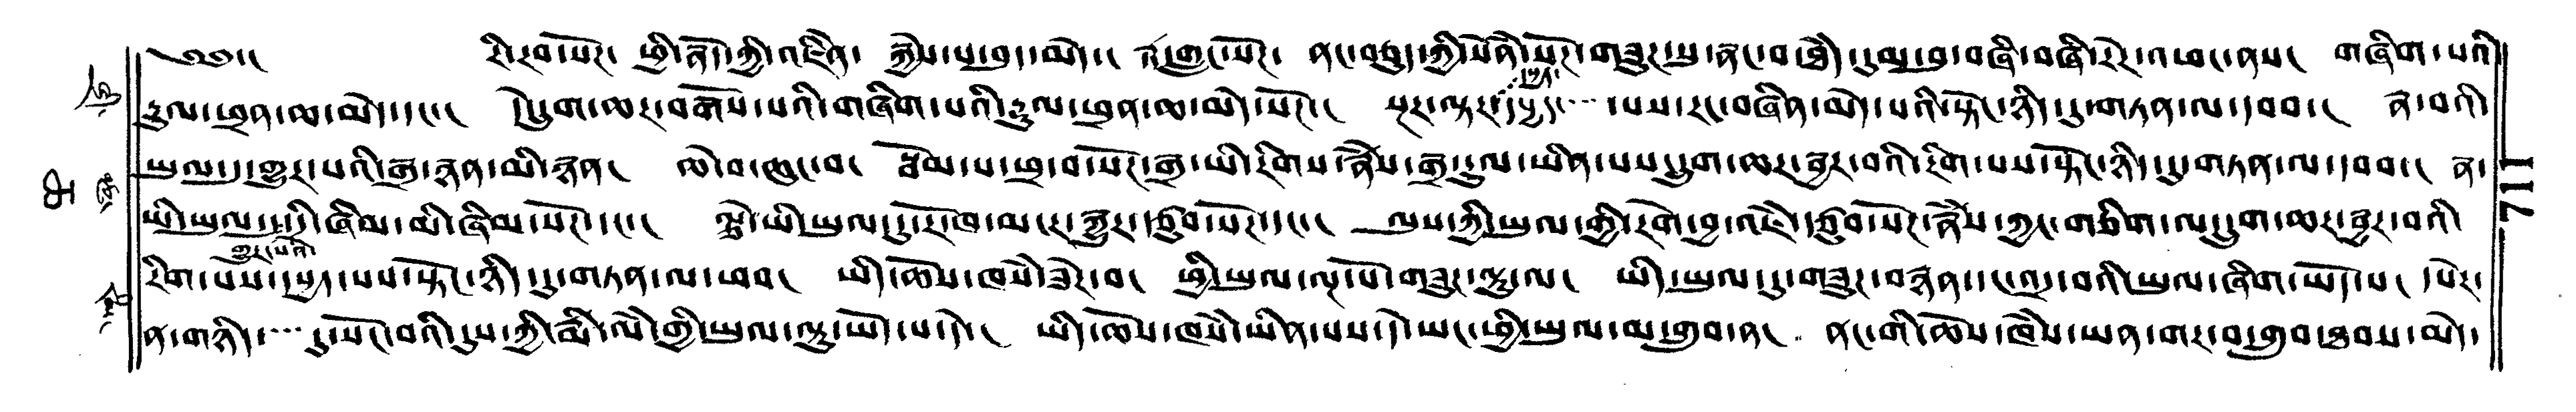རི་རབ་སོགས་ཕྱི་སྣོད་ཀྱི་འཇིག་རྟེན།སྐྱེས་པ་བུད་མེད། རྟ་གླང་སོགས། ནང་བཅུད་ཀྱི་སེམས་ཅན་སོགས་གཟུགས་སུ་སྣང་བ་ཐམས་ཅད་དུམ་བུ་བཞི་བཞི་རེར་འཕང་ནས། གཞིག་པའི་
རྡུལ་ཕྲན་ཆ་མེད་དང་། དེ་དྲུག་ཆར་བསྒོས་པའི་གཞིག་པའི་རྡུལ་ཕྲན་ཆ་མེད་སོགས། སྔར་ལྟར་དཔྱད་པས་རང་བཞིན་མེད་པའི་སྟོང་ཉིད་དུ་གཏན་ལ་དབབ། རྣ་བའི་
ཡུལ་དུ་གྱུར་པའི་སྒྲ་སྙན་མི་སྙན། ཆེ་བ་ཆུང་བ། སྦོམ་པ་ཕྲ་བ་སོགས་སྒྲ་ཡི་རིགས་རྣམས་སྒྲ་རྡུལ་ཡིན་པས་དྲུག་ཆར་སྦྱར་བའི་རིག་པས་སྟོང་ཉིད་དུ་གཏན་ལ་དབབ། སྣ་
ཡི་ཡུལ་དུ་གྱུར་པའི་དྲི་ཞིམ་མི་ཞིམ་སོགས་དང་། ལྕེ་ཡི་ཡུལ་དུ་རོ་ཁ་མངར་སྐྱུར་རྩུབ་སོགས་དང་། ལུས་ཀྱི་ཡུལ་གྱི་རེག་བྱ་འཇམ་རྩུབ་སོགས་རྣམས་ཀྱང་གཅིག་ལ་དྲུག་ཆར་སྦྱར་བའི་
རིག་པས་དཔྱད་པས་སྟོང་ཉིད་དུ་གཏན་ལ་ཕབ། ཡིད་ཆོས་ཁམས་ཟེར་བ། ཕྱི་ཡུལ་ལྔ་པོ་གཟུགས་ལྟ་བུ་ལ། ཡིད་ཡུལ་དུ་གཟུགས་བརྙན་དང་འདྲ་བའི་ཡུལ་ཞིག་ཡོད་པ། དཔེར་
ན་གཉིད་དུ་སོང་བའི་དུས་ཀྱི་རྨི་ལམ་གྱི་ཡུལ་ལྟ་བུ་ཡོད་པ་དེ། ཡིད་ཆོས་ཁམས་ཡིན་པས་དེ་ཡང་ཕྱི་ཡུལ་མ་གྲུབ་ན། ནང་གི་ཆོས་ཁམས་ཡན་གར་བ་གྲུབ་ཐབས་མེད་